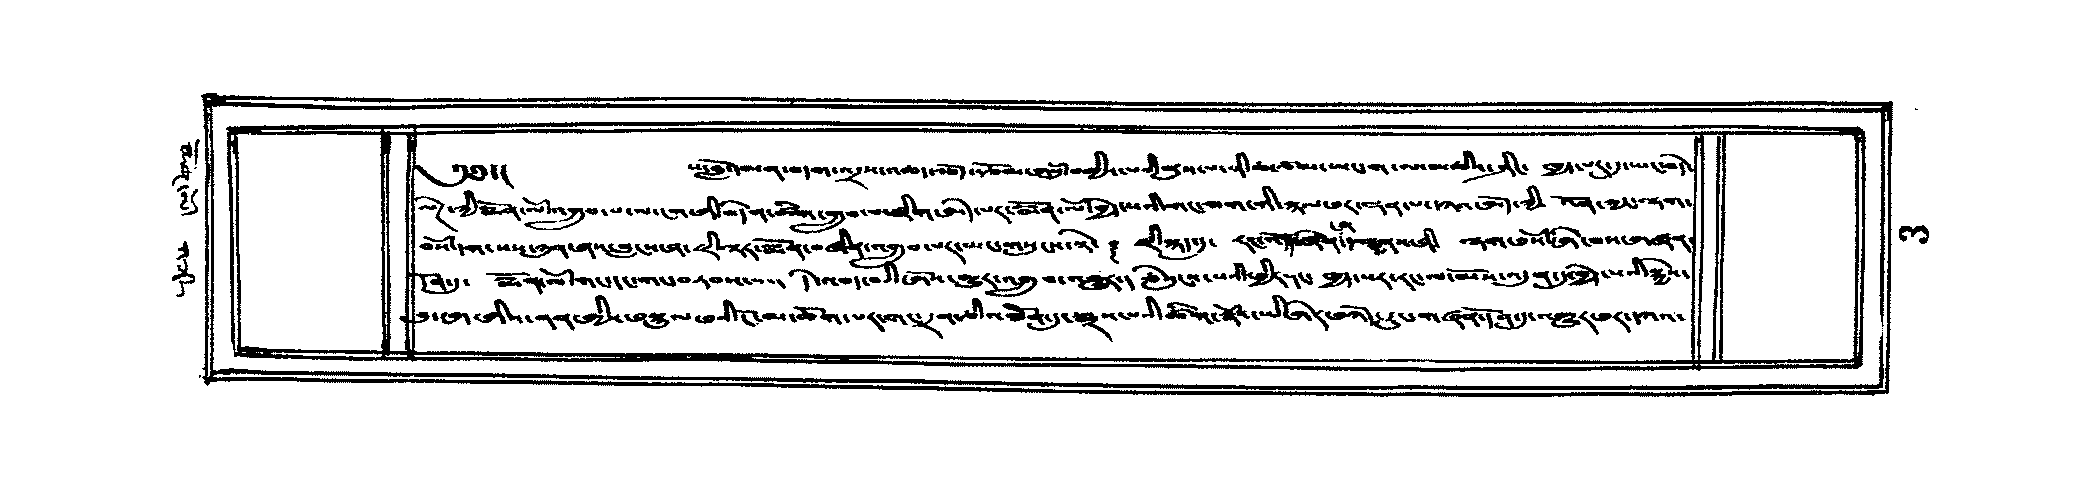པ་བློ་དམན་བདག་འདྲས་འཆད་རྩོད་རྩོམ་གསུམ་བགྱིས་པའི་ནུས་པ་ནི་ཆ་ཙམ་ཡང་ག་ལ་མཆིས་ཤིང་། ཁྱད་པར་དུ་ཡང་བདེ་
ལེགས་སྨོན་ལམ་འགྲུབ་པ་ལ་ངག་གི་བདེན་ཚིག་གྲུབ་པ་ཞིག་མེད་པར་སྨོན་ལམ་བྱེད་པའི་གང་ཟག་གི་སྐལ་བར་ལྡན་པ་དཀའ་མོད་ཀྱི། འོན་ཀྱང་ལྷག་
བསམ་དག་པས་ཀུན་ནས་བླངས་ན་ཇི་ལྟར་སྨོན་བཞིན་འགྲུབ་པར་ཡང་གསུངས་སྟེ། ཇི་སྐད་དུ། རང་འདོད་ཞེན་ངན་སྤངས་ནས་ནི། །ལྷག་བསམ་དགེ་བས་གཞན་
དོན་དུ། །སྨོན་ལམ་གང་དང་གང་བཏབ་པ། །དེ་འབད་མི་དགོས་མྱུར་འགྲུབ་འགྱུར། ཅེས་གསུངས་པའི་ཕྱིར་དང་། ཁྱད་པར་རང་ལ་མོས་འདུན་དུ་བྱེད་པའི་སྐྱེས་
བུ་དག་གིས་ནན་གྱིས་བསྐུལ་བའི་ངོ་མ་ཆོག་པར་གང་དྲན་ཅི་འཐོན་དུ་སྨྲས་པའི་ཚིག་རྣམས་ཡི་གེར་བཀོད་རུང་གཞན་དོན་དུ་འགྱུར་བར་དཀའ་